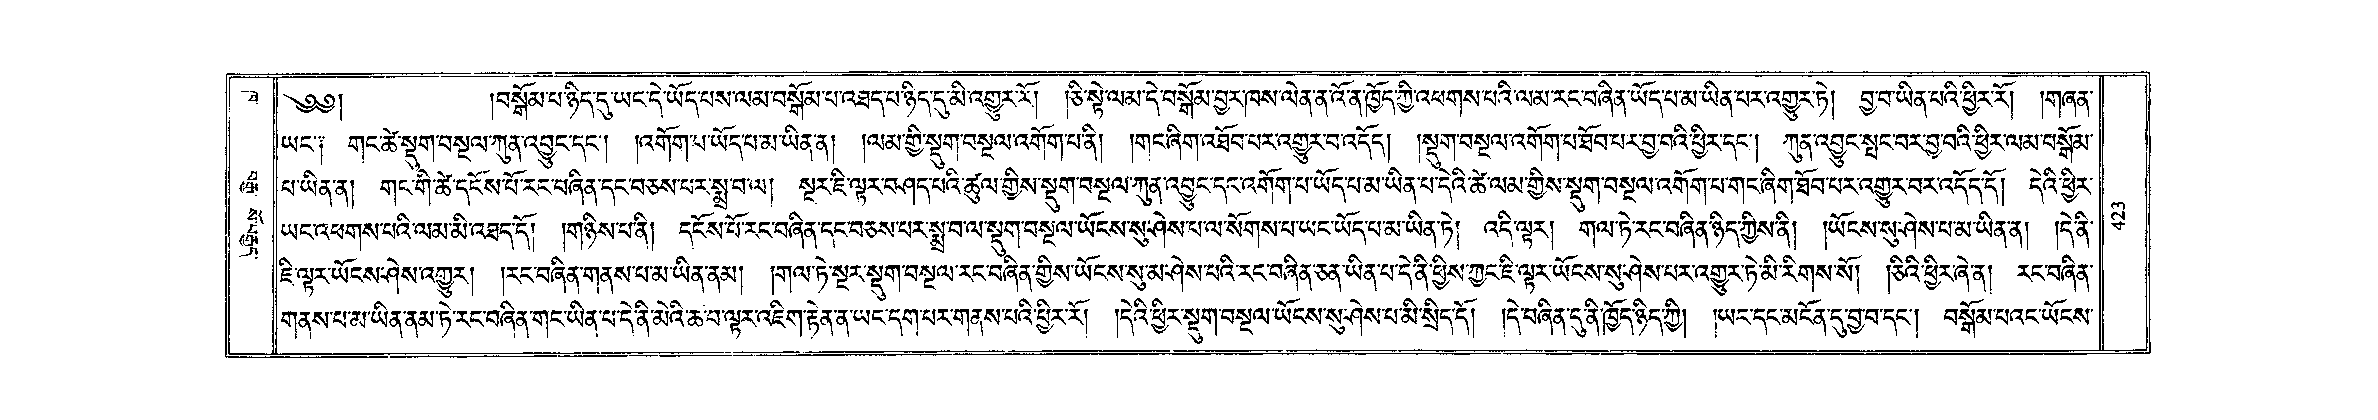༄༅། །བསྒོམ་པ་ཉིད་དུ་ཡང་དེ་ཡོད་པས་ལམ་བསྒོམ་པ་འཐད་པ་ཉིད་དུ་མི་འགྱུར་རོ། །ཅི་སྟེ་ལམ་དེ་བསྒོམ་བྱར་ཁས་ལེན་ན་འོ་ན་ཁྱོད་ཀྱི་འཕགས་པའི་ལམ་རང་བཞིན་ཡོད་པ་མ་ཡིན་པར་འགྱུར་ཏེ། བྱ་བ་ཡིན་པའི་ཕྱིར་རོ། །གཞན་
ཡང༑ གང་ཚེ་སྡུག་བསྔལ་ཀུན་འབྱུང་དང་། །འགོག་པ་ཡོད་པ་མ་ཡིན་ན། །ལམ་གྱི་སྡུག་བསྔལ་འགོག་པ་ནི། །གང་ཞིག་འཐོབ་པར་འགྱུར་བ་འདོད། །སྡུག་བསྔལ་འགོག་པ་ཐོབ་པར་བྱ་བའི་ཕྱིར་དང་། ཀུན་འབྱུང་སྤང་བར་བྱ་བའི་ཕྱིར་ལམ་བསྒོམ་
པ་ཡིན་ན། གང་གི་ཚེ་དངོས་པོ་རང་བཞིན་དང་བཅས་པར་སྨྲ་བ་ལ། སྔར་ཇི་ལྟར་བཤད་པའི་ཚུལ་གྱིས་སྡུག་བསྔལ་ཀུན་འབྱུང་དང་འགོག་པ་ཡོད་པ་མ་ཡིན་པ་དེའི་ཚེ་ལམ་གྱིས་སྡུག་བསྔལ་འགོག་པ་གང་ཞིག་ཐོབ་པར་འགྱུར་བར་འདོད་དོ། དེའི་ཕྱིར་
ཡང་འཕགས་པའི་ལམ་མི་འཐད་དོ། །གཉིས་པ་ནི། དངོས་པོ་རང་བཞིན་དང་བཅས་པར་སྨྲ་བ་ལ་སྡུག་བསྔལ་ཡོངས་སུ་ཤེས་པ་ལ་སོགས་པ་ཡང་ཡོད་པ་མ་ཡིན་ཏེ། འདི་ལྟར། གལ་ཏེ་རང་བཞིན་ཉིད་ཀྱིས་ནི། །ཡོངས་སུ་ཤེས་པ་མ་ཡིན་ན། །དེ་ནི་
ཇི་ལྟར་ཡོངས་ཤེས་འགྱུར། །རང་བཞིན་གནས་པ་མ་ཡིན་ནམ། །གལ་ཏེ་སྔར་སྡུག་བསྔལ་རང་བཞིན་གྱིས་ཡོངས་སུ་མ་ཤེས་པའི་རང་བཞིན་ཅན་ཡིན་པ་དེ་ནི་ཕྱིས་ཀྱང་ཇི་ལྟར་ཡོངས་སུ་ཤེས་པར་འགྱུར་ཏེ་མི་རིགས་སོ། །ཅིའི་ཕྱིར་ཞེ་ན། རང་བཞིན་
གནས་པ་མ་ཡིན་ནམ་ཏེ་རང་བཞིན་གང་ཡིན་པ་དེ་ནི་མེའི་ཆ་བ་ལྟར་འཇིག་རྟེན་ན་ཡང་དག་པར་གནས་པའི་ཕྱིར་རོ། །དེའི་ཕྱིར་སྡུག་བསྔལ་ཡོངས་སུ་ཤེས་པ་མི་སྲིད་དོ། །དེ་བཞིན་དུ་ནི་ཁྱོད་ཉིད་ཀྱི། །ཡང་དང་མངོན་དུ་བྱ་བ་དང་། བསྒོམ་པའང་ཡོངས་